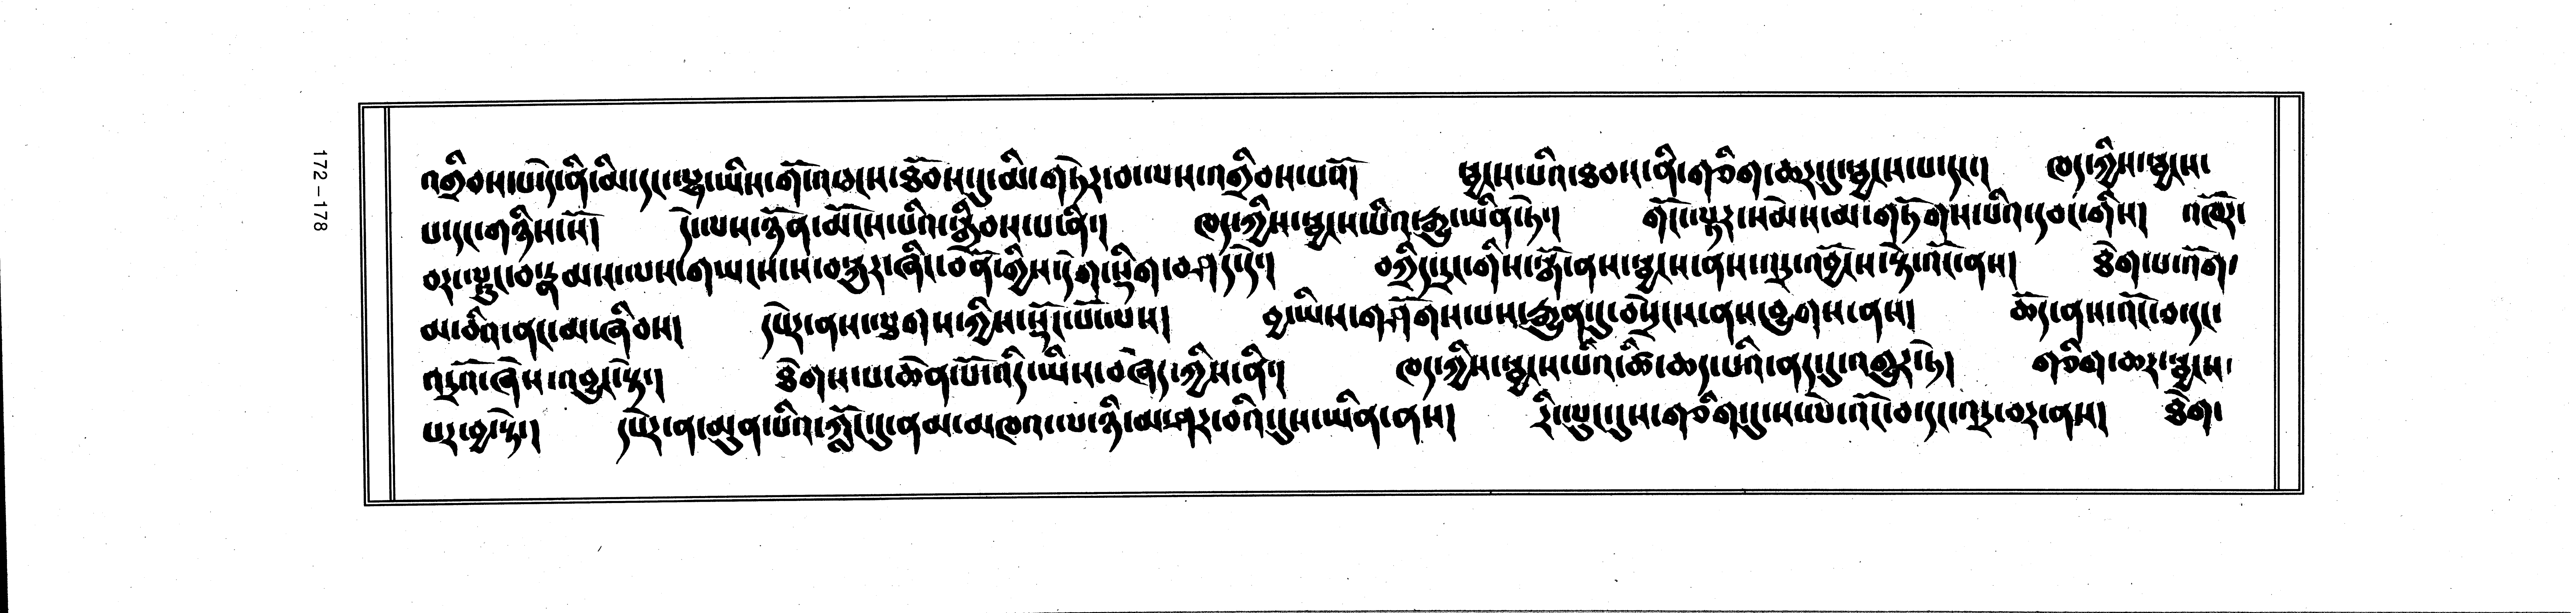འགྲིབས་པ་དེ་ནི་མི་དང་ལྷ་ཡིས་གོ་འཕངས་ཐོབས་དུ་མི་གཏེར་བ་ལས་འགྲིབས་པའོ། སྦྱངས་པའི་ཐབས་ནི་གཅིག་ཆར་དུ་སྦྱངས་
པ་དང་། ཁད་ཀྱིས་སྦྱངས་པ་དང་གཉིས་སྭོ། དེ་ལས་ཉོན་མོངས་པའི་སྒྲིབ་པ་ནི། ཁད་ཀྱིས་སྦྱངས་པའི་རྒྱུ་ཡིན་ཏེ། གོང་ལྟར་སེམས་མ་གཏོགས་པའི་དབང་གིས། འཁོར་
བར་ལྟུང་བ་རྣམས་ལས་གཡངས་ས་བསྐུར་ཞིང་བོན་གྱིས་དགེ་སྡིག་བཤད་དེ། བཀྲིད་དྲང་གིས་སྒོ་ནས་སྦྱངས་ནས་འདྲ་འབྱོངས་སྟེ་འོང་ནས། ཐེག་པ་འོག་
མ་བའི་ནང་མ་ཞིབས། དཔེར་ནས་ལྕགས་ཀྱིས་སྡོང་པོ་ལས། བྱ་ཡིས་གཤོགས་པས་རྒྱུན་དུ་བསྲེངས་ནས་བྱུགས་ནས། ཆོད་ནས་འོང་བ་དང་
འདྲའོ་ཞེས་འབྱུང་སྟེ། ཐེག་པ་ཆེན་པོ་འདི་ཡིས་བཞེད་ཀྱིས་ནི། ཁད་ཀྱིས་སྦྱངས་པའི་ཚི་ཆད་པའི་ནད་དུ་འགྱུར་ཏེ། གཅིག་ཆར་སྦྱངས་
པར་བྱ་སྟེ། དཔེར་ན་མུན་པའི་ཀློང་དུ་ནམ་མཁའ་ལ་ཉི་མ་ཤར་བའི་དུས་ཡིན་ནས། རི་ལུང་དུས་གཅིག་དུ་ས་ལེ་འོང་བ་དང་འདྲ་བར་ནས། ཐེག་པ་